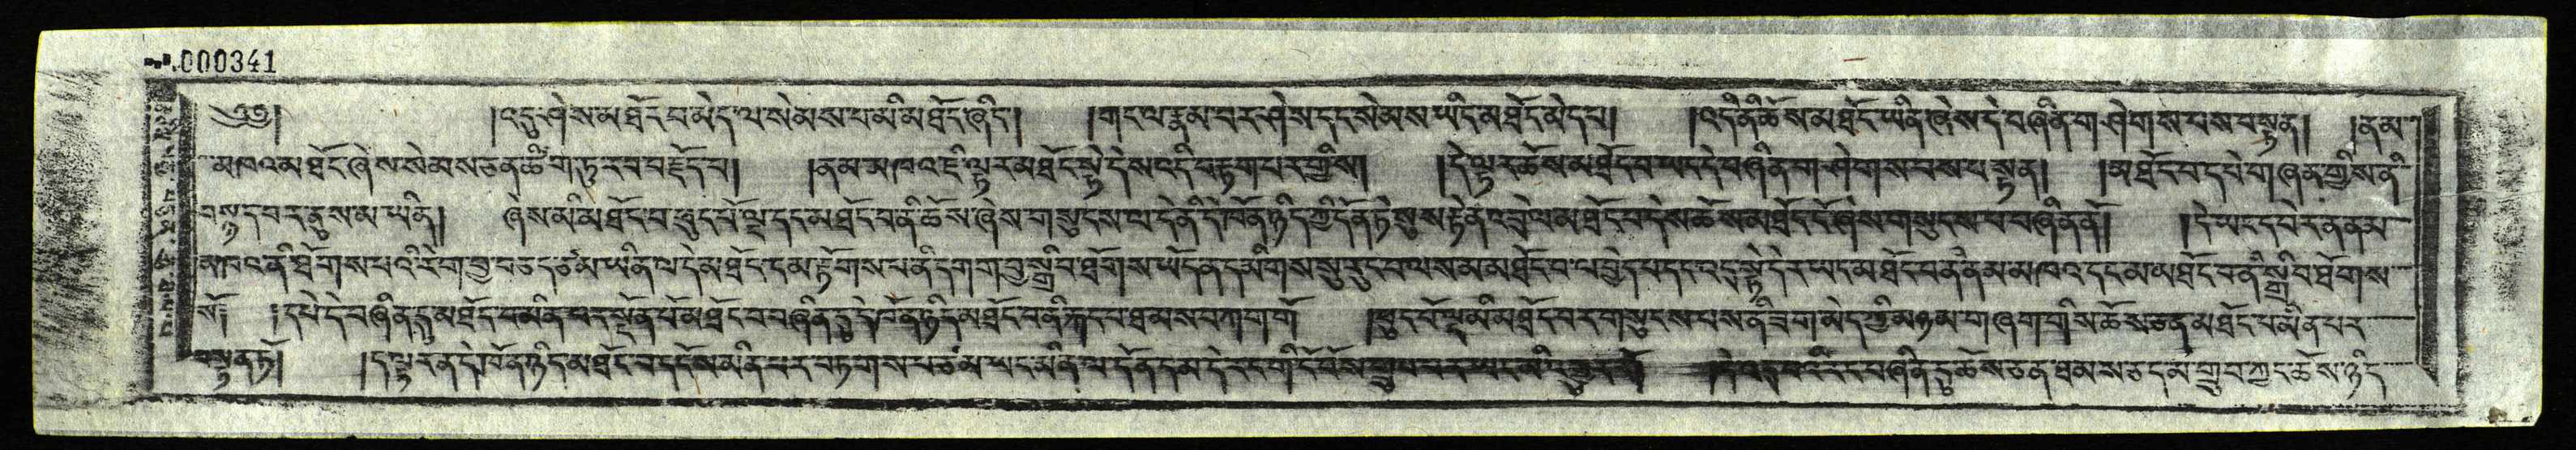༄༅། །འདུ་ཤེས་མཐོང་བ་མེད་ལ་སེམས་པ་མི་མཐོང་ཞིང་། །གང་ལ་རྣམ་པར་ཤེས་དང་སེམས་ཡིད་མཐོང་མེད་པ། །འདི་ནི་ཆོས་མཐོང་ཡིན་ཞེས་དེ་བཞིན་གཤེགས་པས་བསྟན། །ནམ་
མཁའ་མཐོང་ཞེས་སེམས་ཅན་ཚིག་ཏུ་རབ་བརྗོད་པ། །ནམ་མཁའ་ཇི་ལྟར་མཐོང་སྟེ་དེས་འདི་བརྟག་པར་གྱིས། །དེ་ལྟར་ཆོས་མཐོང་བ་ཡང་དེ་བཞིན་གཤེགས་པས་བསྟན། །མཐོང་བ་དཔེ་གཞན་གྱིས་ནི་
བསྙད་པར་ནུས་མ་ཡིན། ཞེས་མི་མཐོང་བ་ཕུང་པོ་ལྔ་དང་མཐོང་བ་ནི་ཆོས་ཞེས་གསུངས་ལ་དེ་ནི་དེ་ཁོ་ན་ཉིད་ཀྱི་དོན་ཏེ་སུས་རྟེན་འབྲེལ་མཐོང་བ་དེས་ཆོས་མཐོང་ངོ་ཞེས་གསུངས་པ་བཞིན་ནོ། །དེ་ཡང་དཔེར་ན་ནམ་
མཁའ་ནི་ཐོགས་པའི་རེག་བྱ་བཅད་ཙམ་ཡིན་ལ་དེ་མཐོང་ངམ་རྟོགས་པ་ནི་དགག་བྱ་སྒྲིབ་ཐོགས་ཡོད་ན་དམིགས་སུ་རུང་བ་ལས་མ་མཐོང་བ་ལ་བྱེད་པ་དང་འདྲ་སྟེ་དེར་ཡང་མཐོང་བ་ནི་ནམ་མཁའ་དང་མ་མཐོང་བ་ནི་སྒྲིབ་ཐོགས་
སོ༑ ༑དཔེ་དེ་བཞིན་དུ་མཐོང་བ་མིན་པར་སྔོན་པོ་མཐོང་བ་བཞིན་དུ་དེ་ཁོ་ན་ཉིད་མཐོང་བ་ནི་རྐང་པ་ཐ་མས་བཀག་གོ །ཕུང་པོ་ལྔ་མི་མཐོང་བར་གསུངས་པས་ནི་ཟག་མེད་ཀྱི་མཉམ་གཞག་གིས་ཆོས་ཅན་མཐོང་བ་མིན་པར་
བསྟན་ཏོ། །ད་ལྟར་ན་དེ་ཁོ་ན་ཉིད་མཐོང་བ་དངོས་མིན་པར་བཏགས་པ་ཙམ་ཡང་མིན་ལ་དོན་དམ་དེ་རང་གི་ངོ་བོས་གྲུབ་པར་ཡང་མི་འགྱུར་རོ། །དེ་འདྲ་བའི་རང་བཞིན་དུ་ཆོས་ཅན་ཐམས་ཅད་མ་གྲུབ་ཀྱང་ཆོས་ཉིད་